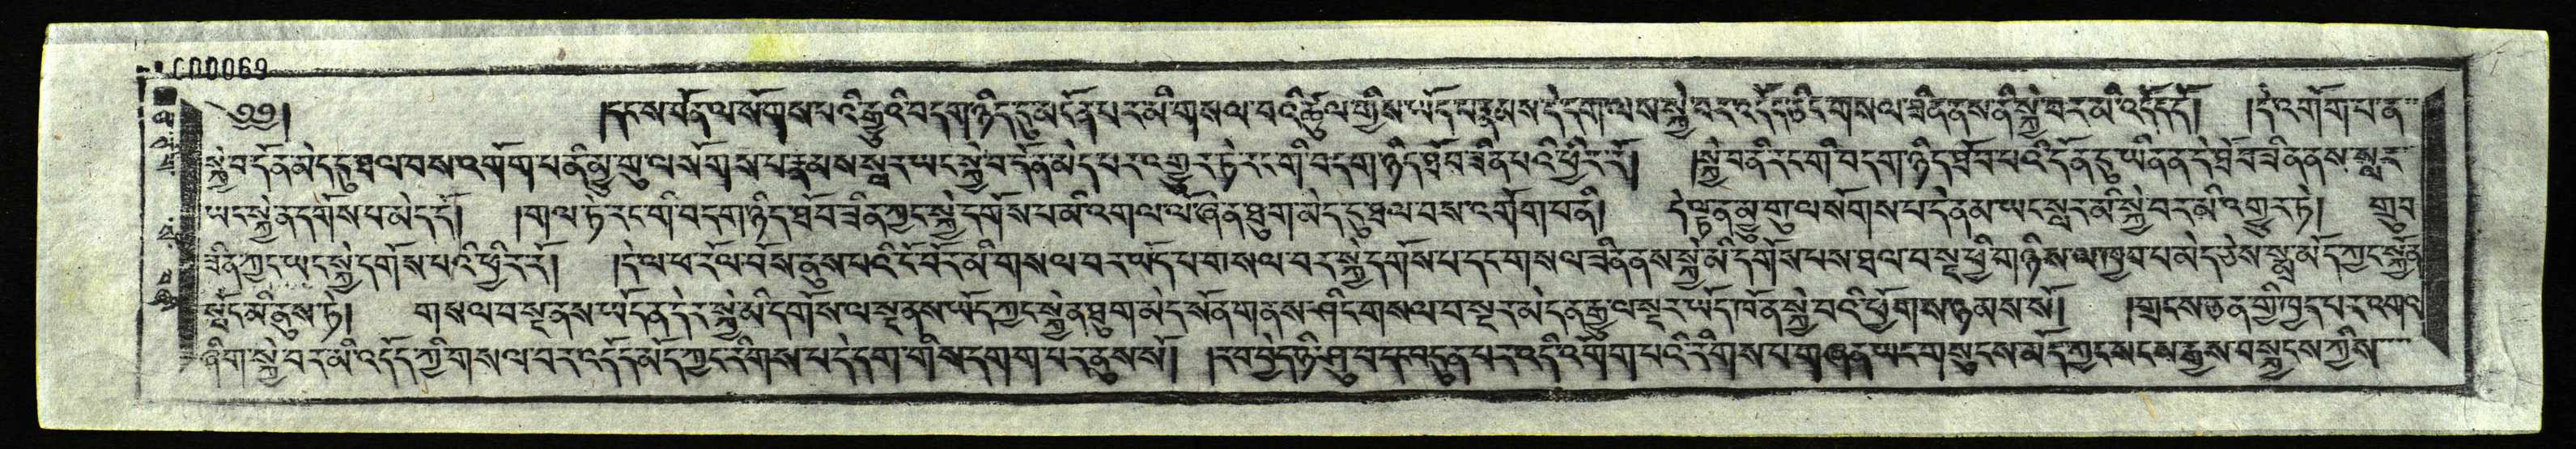༄༅། །དང་ས་བོན་ལ་སོགས་པའི་རྒྱུའི་བདག་ཉིད་དུ་མངོན་པར་མི་གསལ་བའི་ཚུལ་གྱིས་ཡོད་པ་རྣམས་དེ་དག་ལས་སྐྱེ་བར་འདོད་ཅིང་གསལ་ཟིན་ནས་ནི་སྐྱེ་བར་མི་འདོད་དོ། །དེ་འགོག་པ་ན་
སྐྱེ་བ་དོན་མེད་དུ་ཐལ་བས་འགོག་པ་ནི་མྱུ་གུ་ལ་སོགས་པ་རྣམས་སླར་ཡང་སྐྱེ་བ་དོན་མེད་པར་འགྱུར་ཏེ་རང་གི་བདག་ཉིད་ཐོབ་ཟིན་པའི་ཕྱིར་རོ། །སྐྱེ་བ་ནི་རང་གི་བདག་ཉིད་ཐོབ་པའི་དོན་དུ་ཡིན་ན་དེ་ཐོབ་ཟིན་ནས་སླར་
ཡང་སྐྱེ་ན་དགོས་པ་མེད་དོ། །གལ་ཏེ་རང་གི་བདག་ཉིད་ཐོབ་ཟིན་ཀྱང་སྐྱེ་དགོས་པ་མི་འགལ་ལོ་ཞེན་ཐུག་མེད་དུ་ཐལ་བས་འགོག་པ་ནི། དེ་ལྟ་ན་མྱུ་གུ་ལ་སོགས་པ་དེ་ནམ་ཡང་སླར་མི་སྐྱེ་བར་མི་འགྱུར་ཏེ། གྲུབ་
ཟིན་ཀྱང་ཡང་སྐྱེ་དགོས་པའི་ཕྱིར་རོ། །དེ་ལ་ཕ་རོལ་བོས་ནུས་པའི་ངོ་བོར་མི་གསལ་བར་ཡོད་པ་གསལ་བར་སྐྱེ་དགོས་པ་དང་གསལ་ཟིན་ནས་སྐྱེ་མི་དགོས་པས་ཐལ་བ་སྔ་ཕྱི་གཉིས་ལ་ཁྱབ་པ་མེད་ཅེས་སྨྲ་མོད་ཀྱང་སྐྱོན་
སྤོང་མི་ནུས་ཏེ། གསལ་བ་སྔ་ནས་ཡོད་ན་དེར་སྐྱེ་མི་དགོས་ལ་སྔ་ནས་ཡོད་ཀྱང་སྐྱེ་ན་ཐུག་མེད་སོན་གནས་ཤིང་གསལ་བ་སྔར་མེད་ན་རྒྱུ་ལ་སྔར་ཡོད་ཁོ་ན་སྐྱེ་བའི་ཕྱོགས་ཉམས་སོ། །གྲངས་ཅན་གྱི་ཁྱད་པར་འགལ་
ཞིག་སྐྱེ་བར་མི་འདོད་ཀྱི་གསལ་བར་འདོད་མོད་ཀྱང་རིགས་པ་དེ་དག་གིས་དགག་པར་ནུས་སོ། །རབ་བྱེད་ཉི་ཤུ་བ་དང་བདུན་པར་འདི་འགོག་པའི་རིགས་པ་གཞན་ཡང་གསུངས་མོད་ཀྱང་སངས་རྒྱས་བསྐྱངས་ཀྱིས་